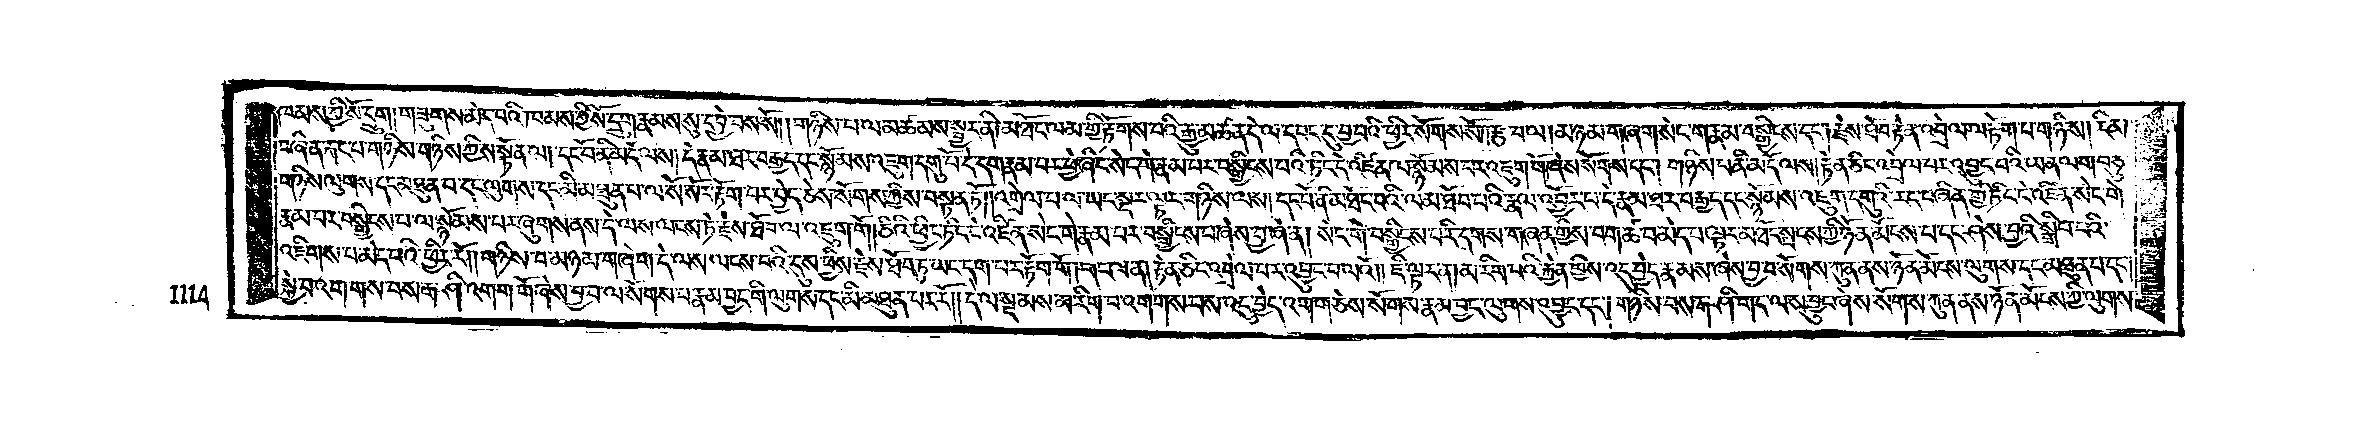ཁམས་ཀྱི་སོ་དྲུག། གཟུགས་མེད་པའི་ཁམས་ཀྱི་སོ་དྲུག་རྣམས་སུ་དབྱེ་བས་སོ། །གཉིས་པ་ལ་མཚམས་སྦྱར་ནི། མཐོང་ལམ་གྱི་རྟོགས་པའི་རྒྱུ་མཚན་དེ་ལ་དབང་དུ་བྱ་བའི་ཕྱིར་སོགས་སོ། །རྩ་བ་ལ། མཉམ་གཞག་སེང་གེ་རྣམ་བསྒྱིངས་དང་། རྗེས་ཐོབ་རྟེན་འབྲེལ་ལ་རྟོག་པ་གཉིས། རིམ་
བཞིན་རྐང་པ་གཉིས་གཉིས་ཀྱིས་སྟོན་ལ། དང་པོ་ནི་མདོ་ལས། དེ་རྣམ་ཐར་བརྒྱད་དང་སྙོམས་འཇུག་དགུ་པོ་དེ་དག་རྣམ་པར་ཕྱེ་ཞིང་སེང་གེ་རྣམ་པར་བསྒྱིངས་པའི་ཏིང་ངེ་འཛིན་ལ་སྙོམས་པར་འཇུག་གོ་ཞེས་སོགས་དང་། གཉིས་པ་ནི་མདོ་ལས། རྟེན་ཅིང་འབྲེལ་བར་འབྱུང་བའི་ཡན་ལག་བཅུ་
གཉིས་ལུགས་དང་མཐུན་པ་དང་ལུགས་དང་མི་མཐུན་པ་ལ་སོ་སོར་རྟོག་པར་བྱེད་ཅེས་སོགས་ཀྱིས་བསྟན་ཏོ། །འགྲེལ་པ་ལ་ཡང་སྔར་ལྟར་གཉིས་ལས། དང་པོ་ནི་མཐོང་བའི་ལམ་ཐོབ་པའི་རྣལ་འབྱོར་པ་དེ་རྣམ་ཐར་བརྒྱད་དང་སྙོམས་འཇུག་དགུའི་རང་བཞིན་གྱི་ཏིང་ངེ་འཛིན་སེང་གེ་
རྣམ་པར་བསྒྱིངས་པ་ལ་སྙོམས་པར་ཞུགས་ནས་དེ་ལས་ལངས་ཏེ་རྗེས་ཐོབ་ལ་འཇུག་གོ །ཅིའི་ཕྱིར་ཏིང་ངེ་འཛིན་སེང་གེ་རྣམ་པར་བསྒྱིངས་པ་ཞེས་བྱ་ཞེ་ན། སེང་གེ་བསྒྱིངས་པ་རི་དVཨགས་གཞན་གྱིས་བག་ཚ་བ་མེད་པ་ལྟར་མཐོང་སྤངས་ཀྱི་ཉོན་མོངས་པ་དང་ཤེས་བྱའི་སྒྲིབ་པའི་
འཇིགས་པ་མེད་པའི་ཕྱིར་རོ། །གཉིས་པ་མཉམ་གཞག་དེ་ལས་ལངས་པའི་དུས་ཕྱིས་རྗེས་ཐོབ་ཏུ་ཡང་དག་པར་རྟོག་གོ །གང་ལ་ན། རྟེན་ཅིང་འབྲེལ་བར་འབྱུང་བ་ལའོ། །ཇི་ལྟར་ན། མ་རིག་པའི་རྐྱེན་གྱིས་འདུ་བྱེད་རྣམས་ཞེས་བྱ་བ་སོགས་ཀུན་ནས་ཉོན་མོངས་ལུགས་དང་མཐུན་པ་དང་།
སྐྱེ་བ་འགགས་པས་རྒ་ཤི་འགག་གོ་ཞེས་བྱ་བ་ལ་སོགས་པ་རྣམ་བྱང་གི་ལུགས་དང་མི་མཐུན་པར་རོ། །དེ་ལ་སྔ་མས་མ་རིག་པ་འགགས་པས་འདུ་བྱེད་འགག་ཅེས་སོགས་རྣམ་བྱང་ལུགས་འབྱུང་དང་། གཉིས་པས་རྒ་ཤི་གང་ལས་བྱུང་ཞེས་སོགས་ཀུན་ནས་ཉོན་མོངས་ཀྱི་ལུགས་